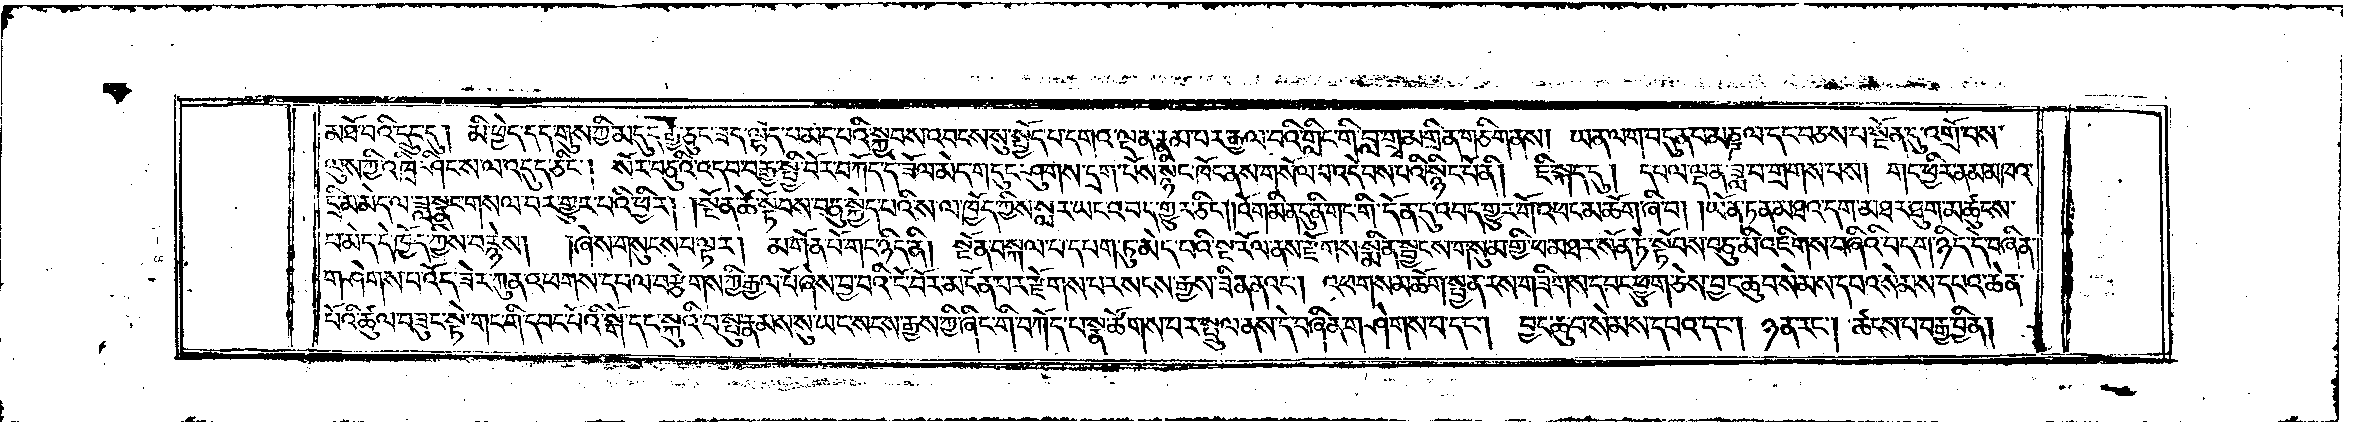མཐོ་བའི་དྲུང་དུ། མི་ཕྱེད་དང་གུས་ཀྱི་མདུད་རྒྱ་ཅུང་ཟད་ལྷོད་པ་མེད་པའི་སྐྱབས་འབངས་སུ་སྤྱོད་པ་དགའ་ལྡན་རྣམ་པར་རྒྱལ་བའི་གླིང་གི་བླ་གྲྭ་མགྲིན་གཅིག་ནས། ཡན་ལག་བདུན་པ་མཎྜལ་དང་བཅས་པ་སྔོན་དུ་འགྲོ་བས་
ལུས་ཀྱི་འཁྲི་ཤིངས་ལ་འདུད་ཅིང་། སོར་བཅུའི་འདབ་བརྒྱ་སྤྱི་བོར་བཀོད་དེ་ཟོལ་མེད་གདུང་ཤུགས་དྲག་པོས་སྙིང་ཁོང་ནས་གསོལ་བ་འདེབས་པའི་སྙིང་པོ་ནི། ཇི་སྐད་དུ། དཔལ་ལྡན་ཟླ་བ་གྲགས་པས། གང་ཕྱིར་ནམ་མཁའ་
དྲི་མ་མེད་པ་ཟླ་སྣང་གསལ་བར་གྱུར་པའི་ཕྱིར། །སྔོན་ཚེ་སྟོབས་བཅུ་སྐྱེད་པའི་ས་ལ་ཁྱོད་ཀྱིས་སླར་ཡང་འབད་གྱུར་ཅིང་།འོག་མིན་དུ་ནི་གང་གི་དོན་དུ་འབད་གྱུར་གོ་འཕང་མཆོག་ཞི་བ། །ཡོན་ཏན་མཐའ་དག་མཐར་ཐུག་མཚུངས་
པ་མེད་དེ་ཁྱོད་ཀྱིས་བརྙེས། །ཞེས་གསུངས་པ་ལྟར། མགོན་པོ་གང་ཉིད་ནི། སྔོན་བསྐལ་པ་དཔག་ཏུ་མེད་པའི་སྔ་རོལ་ནས་རྫོགས་སྨིན་སྦྱངས་གསུམ་གྱི་ཕ་མཐར་སོན་ཏེ་སྟོབས་བཅུ་མི་འཇིགས་བཞིའི་བདག་ཉིད་དེ་བཞིན་
གཤེགས་འོད་ཟེར་ཀུན་འཕགས་དཔལ་བརྩེགས་ཀྱི་རྒྱལ་པོ་ཞེས་བྱ་བའི་ངོ་བོར་མངོན་པར་རྫོགས་པར་སངས་རྒྱས་ཟིན་ནའང་། འཕགས་མཆོག་སྤྱན་རས་གཟིགས་དབང་ཕྱུག་ཅེས་བྱང་ཆུབ་སེམས་དཔའ་སེམས་དཔའ་ཆེན་
པོའི་ཚུལ་བཟུང་སྟེ་གང་གི་དབང་པོའི་སྒོ་དང་སྐུའི་བ་སྤུ་རྣམས་སུ་ཡང་སངས་རྒྱས་ཀྱི་ཞིང་གི་བཀོད་པ་སྣ་ཚོགས་པར་སྤྲུལ་ནས་དེ་བཞིན་གཤེགས་པ་དང་། བྱང་ཆུབ་སེམས་དཔའ་དང་། ཉན་རང་། ཚངས་པ་བརྒྱ་བྱིན།